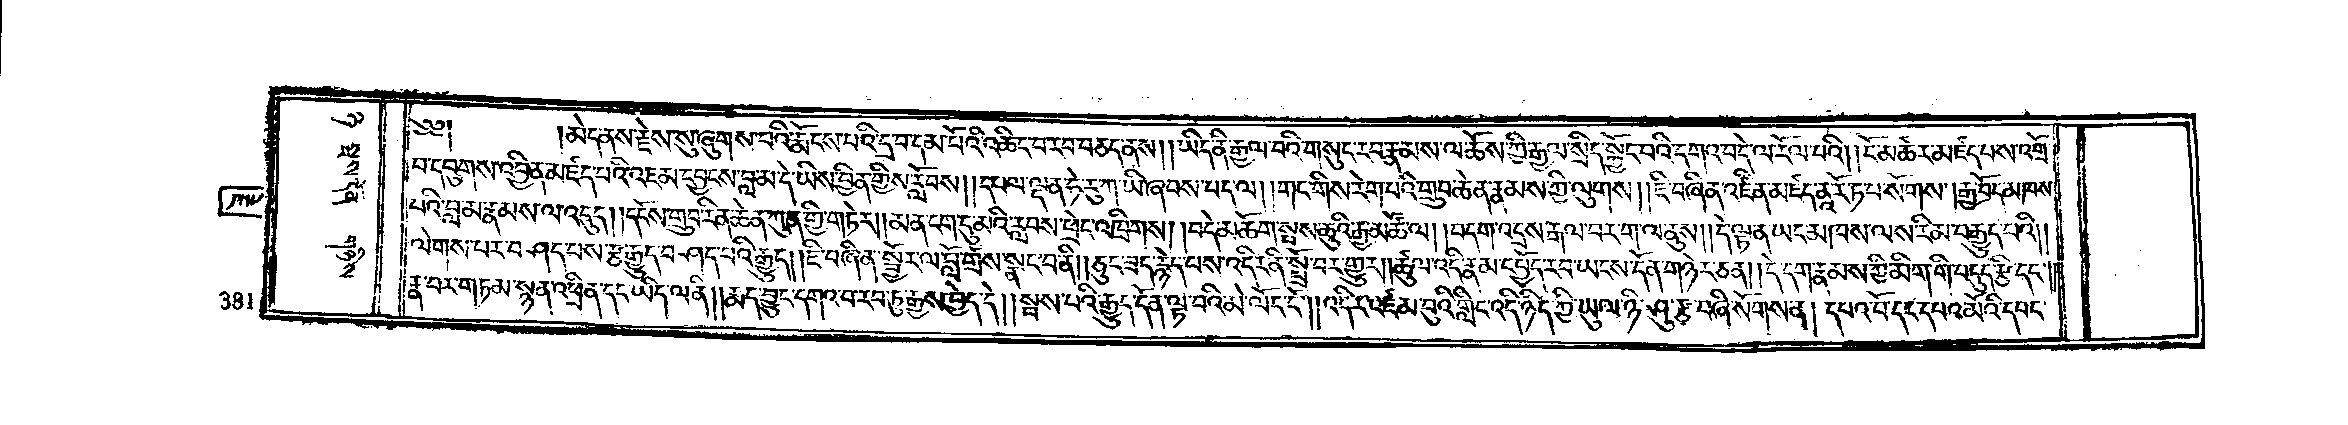༄༅། །མེད་ནས་རྗེས་སུ་ཞུགས་པའི་རྨོངས་པའི་དྲ་བ་དམ་པོའི་འཆིང་བ་རབ་བཅད་ནས། །ཡིད་ནི་རྒྱལ་བའི་གསུང་རབ་རྣམས་ལ་ཆོས་ཀྱི་རྒྱལ་སྲིད་སྐྱོང་བའི་དགའ་བདེ་ལ་རོལ་པའི། །ངོ་མཚར་མཛད་པས་འགྲོ་
བ་དབུགས་འབྱིན་མཛད་པའི་འཇམ་དབྱངས་བླ་མ་དེ་ཡིས་བྱིན་གྱིས་རློབས། །དཔལ་ལྡན་ཧེ་རུ་ཀ་ཡི་ཞབས་པད་ལ། །གང་གིས་རེག་པའི་གྲུབ་ཆེན་རྣམས་ཀྱི་ལུགས། །ཇི་བཞིན་འཛིན་མཛད་ནཱ་རོ་ཏ་པ་སོགས། །རྒྱ་བོད་མཁས་
པའི་བླ་མ་རྣམས་ལ་འདུད། །དངོས་གྲུབ་རིན་ཆེན་ཀུན་གྱི་གཏེར། །མན་ངག་དུ་མའི་རླབས་ཕྲེང་འཁྲིགས། །བདེ་མཆོག་སྦས་ཆུའི་རྒྱ་མཚོ་ལ། །བདག་འདྲས་རྒལ་བར་ག་ལ་ནུས། །དེ་ལྟ་ན་ཡང་མཁས་ལས་རིམ་བརྒྱུད་པའི། །
ལེགས་པར་བཤད་པས་རྩ་རྒྱུད་བཤད་པའི་རྒྱུད། །ཇི་བཞིན་སྦྱོར་ལ་བློ་གྲོས་སྣང་བ་ནི། །ཅུང་ཟད་རྙེད་པས་འདིར་ནི་སྤྲོ་བར་གྱུར། །ཚུལ་འདི་རྣམ་དཔྱོད་རབ་ཡངས་དོན་གཉེར་ཅན། །དེ་དག་རྣམས་ཀྱི་མིག་གི་བདུད་རྩི་དང་། །
རྣ་བར་གཏམ་སྙན་འཕྲིན་དང་ཡིད་ལ་ནི། །རྨད་བྱུང་དགའ་བ་རབ་ཏུ་རྒྱས་བྱེད་དེ། །སྦས་པའི་རྒྱུད་དོན་ལྟ་བའི་མེ་ལོང་ངོ། །འདིར་འཛམ་བུའི་གླིང་འདི་ཉིད་ཀྱི་ཡུལ་ཉི་ཤུ་རྩ་བཞི་སོགས་ན། དཔའ་བོ་དང་དཔའ་མོའི་དབང་